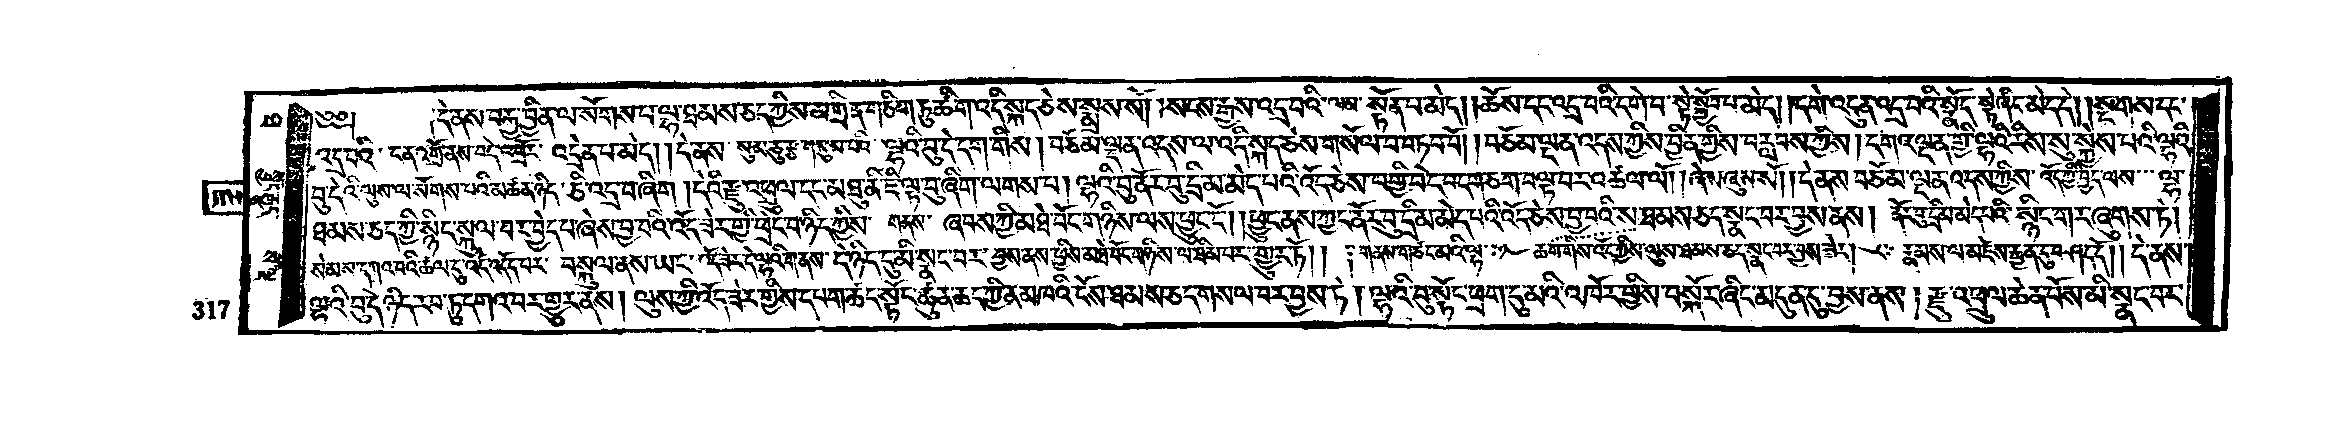༄༅། །དེ་ནས་བརྒྱ་བྱིན་ལ་སོགས་པ་ལྷ་ཐམས་ཅད་ཀྱིས་མགྲིན་གཅིག་ཏུ་ཚིག་འདི་སྐད་ཅེས་སྨྲས་སོ། །སངས་རྒྱས་འདྲ་བའི་ལམ་སྟོན་པ་མེད། །ཆོས་དང་འདྲ་བའི་དགེ་བ་སྟེ་སྐྱོབ་པ་མེད། །དགེ་འདུན་འདྲ་བའི་སྣོད་སྟེ་ཞིང་མེད་དེ། །སྔགས་དང་
འདྲ་བའི་ངན་འགྲོ་ནས་བདེ་འགྲོར་འདྲེན་པ་མེད། །དེ་ནས་སུམ་ཅུ་རྩ་གསུམ་པའི་ལྷའི་བུ་དེ་དག་གིས། བཅོམ་ལྡན་འདས་ལ་འདི་སྐད་ཅེས་གསོལ་བ་བཏབ་བོ། །བཅོམ་ལྡན་འདས་ཀྱིས་བྱིན་གྱིས་བརླབས་ཀྱིས། དགའ་ལྡན་གྱི་ལྷའི་རིས་སུ་སྐྱེས་པའི་ལྷའི་
བུ་དེའི་ལུས་ལ་སོགས་པའི་མཚན་ཉིད་ཅི་འདྲ་བ་ཞིག །དེའི་རྫུ་འཕྲུལ་དང་མཐུ་ནི་ཇི་ལྟ་བུ་ཞིག་ལགས་པ། ལྷའི་བུ་ནོར་བུ་དྲི་མ་མེད་པའི་འོད་ཅེས་བགྱི་བདེ་བདག་ཅག་བལྟ་བར་འཚལ་ལོ། །ཞེས་ཞུས་སོ། །དེ་ནས་བཅོམ་ལྡན་འདས་ཀྱིས་འོད་ཀྱི་བྱེད་ལས་ལྷ་
ཐམས་ཅད་ཀྱི་སྙིང་སྐུལ་བར་བྱེད་པ་ཞེས་བྱ་བའི་འོད་ཟེར་གྱི་ཕྲེང་བ་ཉིད་ཀྱིས་གནས་ཞབས་ཀྱི་མཐེ་བོང་གཉིས་ལས་ཕྱུང་ངོ། །ཕྱུང་ནས་ཀྱང་ནོར་བུ་དྲི་མ་མེད་པའི་འོད་ཅེས་བྱ་བའི་ས་ཐམས་ཅད་སྣང་བར་བྱས་ནས། ནོར་བུ་དྲི་མ་མེད་པའི་སྙིང་གར་ཞུགས་ཏེ།
སེམས་དགའ་བའི་ཚལ་དུ་འོད་འདོད་པར་བསྐུལ་ནས་ཡང་འོད་ཟེར་དེ་ལྷའི་གནས་དེ་ཉིད་དུ་མི་སྣང་བར་བྱས་ནས་ཕྱིས་མཐེ་བོང་གཉིས་ལ་ཐིམ་པར་གྱུར་ཏོ།། ༈ གནས་གཙང་མའི་ལྷ་ཆག་གིས་འོད་ཀྱིས་ལུས་ཐམས་ཅད་སྣང་བར་བྱས་ཟེར། རྣམས་ལ་མཛེས་རྒྱན་དུ་བཤད་དོ། །དེ་ནས་
ལྷའི་བུ་དེ་ཉིད་རབ་ཏུ་དགའ་བར་གྱུར་ནས། ལུས་ཀྱི་འོད་ཟེར་གྱིས་དཔག་ཚད་སྟོང་ཚུན་ཆད་ཀྱི་ནམ་མཁའི་ངོས་ཐམས་ཅད་གསལ་བར་བྱས་ཏེ། ལྷའི་བུ་སྟོང་ཕྲག་དུ་མའི་འཁོར་གྱིས་བསྐོར་ཞིང་མདུན་དུ་བྱས་ནས། རྫུ་འཕྲུལ་ཆེན་པོས་མི་སྣང་བར་